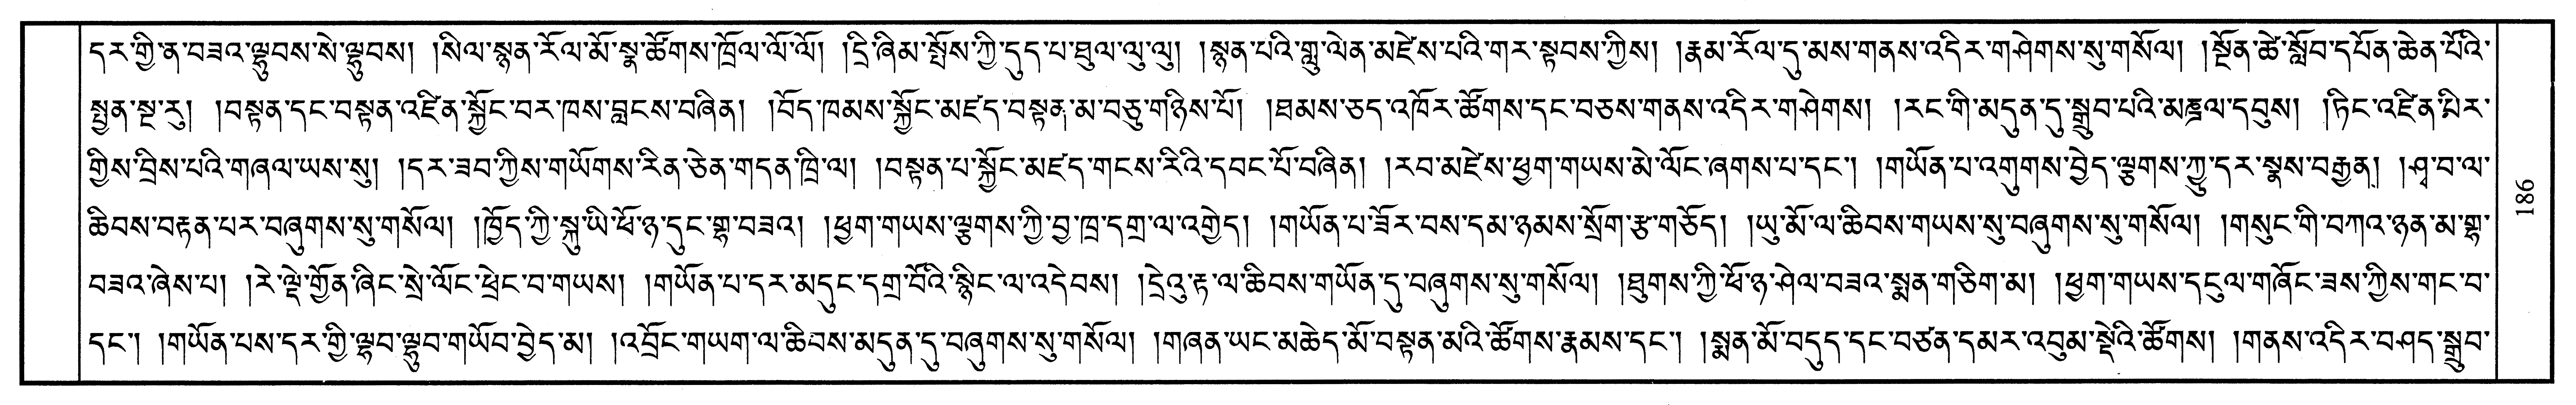དར་གྱི་ན་བཟའ་ལྷུབས་སེ་ལྷུབས། །སིལ་སྙན་རོལ་མོ་སྣ་ཚོགས་ཁྲོལ་ལོ་ལོ། །དྲི་ཞིམ་སྤོས་ཀྱི་དུད་པ་ཐུལ་ལུ་ལུ། །སྙན་པའི་གླུ་ལེན་མཛེས་པའི་གར་སྟབས་ཀྱིས། །རྣམ་རོལ་དུ་མས་གནས་འདིར་གཤེགས་སུ་གསོལ། །སྔོན་ཚེ་སློབ་དཔོན་ཆེན་པོའི་
སྤྱན་སྔ་རུ། །བསྟན་དང་བསྟན་འཛིན་སྐྱོང་བར་ཁས་བླངས་བཞིན། །བོད་ཁམས་སྐྱོང་མཛད་བསྟན་མ་བཅུ་གཉིས་པོ། །ཐམས་ཅད་འཁོར་ཚོགས་དང་བཅས་གནས་འདིར་གཤེགས། །རང་གི་མདུན་དུ་སྒྲུབ་པའི་མཎྜལ་དབུས། །ཏིང་འཛིན་པིར་
གྱིས་བྲིས་པའི་གཞལ་ཡས་སུ། །དར་ཟབ་ཀྱིས་གཡོགས་རིན་ཅེན་གདན་ཁྲི་ལ། །བསྟན་པ་སྐྱོང་མཛད་གངས་རིའི་དབང་པོ་བཞིན། །རབ་མཛེས་ཕྱག་གཡས་མེ་ལོང་ཞགས་པ་དང་། །གཡོན་པ་འགུགས་བྱེད་ལྕགས་ཀྱུ་དར་སྣས་བརྒྱན། །ཤྭ་བ་ལ་
ཆིབས་བརྟན་པར་བཞུགས་སུ་གསོལ། །ཁྱོད་ཀྱི་སྐུ་ཡི་ཕོ་ཉ་དུང་གྷ་བཟའ། །ཕྱག་གཡས་ལྕགས་ཀྱི་བྱ་ཁྲག་དགྲ་ལ་འགྱེད། །གཡོན་པ་ཟོར་བས་དམ་ཉམས་སྲོག་རྩ་གཅོད། །ཡུ་མོ་ལ་ཆིབས་གཡས་སུ་བཞུགས་སུ་གསོལ། །གསུང་གི་བཀའ་ཉན་མ་གྷ་
བཟའ་ཞེས་པ། །རེ་ལྡེ་གྱོན་ཞིང་སྲེ་ལོང་ཕྲེང་བ་གཡས། །གཡོན་པ་དར་མདུང་དགྲ་བོའི་སྙིང་ལ་འདེབས། །དྲེའུ་རྟ་ལ་ཆིབས་གཡོན་དུ་བཞུགས་སུ་གསོལ། །ཐུགས་ཀྱི་ཕོ་ཉ་ཤེལ་བཟའ་སྨན་གཅིག་མ། །ཕྱག་གཡས་དངུལ་གཞོང་ཟས་ཀྱིས་གང་བ་
དང་། །གཡོན་པས་དར་གྱི་ལྷབ་ལྷུབ་གཡོབ་བྱེད་མ། །འབྲོང་གཡག་ལ་ཆིབས་མདུན་དུ་བཞུགས་སུ་གསོལ། །གཞན་ཡང་མཆེད་མོ་བསྟན་མའི་ཚོགས་རྣམས་དང་། །སྨན་མོ་བདུད་དང་བཙན་དམར་འབུམ་སྡེའི་ཚོགས། །གནས་འདིར་བཤད་སྒྲུབ་